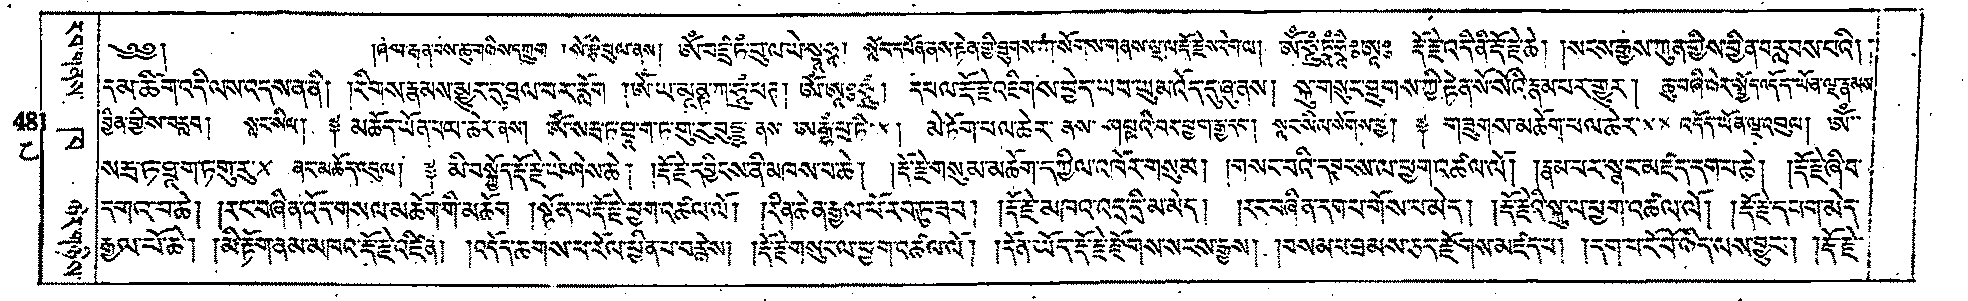༄༅། ། ཞེས་རྒན་པས་ཆུ་གཉིས་དཀྲུག །སོ་རྩི་ཕུལ་ནས།  ཨོཾ་བཛྲ་ཏཾ་བུ་ལ་ཡེ་སྭཱཧཱ། སློབ་དཔོན་ནས་རྟེན་གྱི་ཐུགས་ཀ་སོགས་གནས་ལྔ་ལ་རྡོ་རྗེས་རེག་ལ། ཨོཾ་ཧཱུཾ་ཏྲཱཾ་ཧྲཱིཿཨཱཿ རྡོ་རྗེ་འདི་ནི་རྡོ་རྗེ་ཆེ། །སངས་རྒྱས་ཀུན་གྱིས་བྱིན་བརླབས་པའི། །
དམ་ཚིག་འདི་ལས་འདས་ན་ནི། །རིགས་རྣམས་མྱུར་དུ་ཐལ་བར་རློག །ཨོཾ་ཡ་མཱནྟ་ཀ་ཧཱུཾ་ཕཊ། ཨོཾ་ཨཱཿཧཱུཾ། དཔལ་རྡོ་རྗེ་འཇིགས་བྱེད་ཡབ་ཡུམ་འོད་དུ་ཞུ་ནས། སྐུ་གསུང་ཐུགས་ཀྱི་རྟེན་སོ་སོའི་རྣམ་པར་གྱུར། ཆུ་བཞི་ཉེར་སྤྱོད་འདོད་ཡོན་ལྔ་རྣམས་
བྱིན་གྱིས་བརླབ། སླང་སིལ། འ་མཆོད་ཡོན་ཕལ་ཆེར་ནས་ཨོཾ་སརྦ་ཏ་ཐཱ་ག་ཏ་གུ་རུ་བྷུདྡྷ་ནས་ཨརྒྷཾ་པྲ་ཏི་྾། མེ་ཏོག་ཕལ་ཆེར་ནས་ཤཔྟཱི་བར་ཕྱག་རྒྱ་དང་། སླང་སིལ་སོགས་བྱ།  འ་གཟུགས་མཆོག་ཕལ་ཆེར་྾་྾་འདོད་ཡོན་ལྔ་འབུལ། ཨོཾ་
སརྦ་ཏ་ཐཱ་ག་ཏ་གུ་རུ་྾་ནང་མཆོད་འབུལ།  འ་མི་བསྐྱོད་རྡོ་རྗེ་ཡེ་ཤེས་ཆེ། །རྡོ་རྗེ་དབྱིངས་ནི་མཁས་པ་ཆེ། །རྡོ་རྗེ་གསུམ་མཆོག་དཀྱིལ་འཁོར་གསུམ། །གསང་བའི་དབྱངས་ལ་ཕྱག་འཚལ་ལོ། །རྣམ་པར་སྣང་མཛད་དག་པ་ཆེ། །རྡོ་རྗེ་ཞིབ་
དགའ་བ་ཆེ། །རང་བཞིན་འོད་གསལ་མཆོག་གི་མཆོག །སྟོན་པ་རྡོ་རྗེ་ཕྱག་འཚལ་ལོ། །རིན་ཆེན་རྒྱལ་པོ་རབ་ཏུ་ཟབ། །རྡོ་རྗེ་མཁའ་འདྲ་དྲི་མ་མེད། །རང་བཞིན་དག་པ་གོས་པ་མེད། །རྡོ་རྗེའི་སྐུ་ལ་ཕྱག་འཚལ་ལོ། །རྡོ་རྗེ་དཔག་མེད་
རྒྱལ་པོ་ཆེ། །མི་རྟོག་ནམ་མཁའ་རྡོ་རྗེ་འཛིན། །འདོད་ཆགས་ཕ་རོལ་ཕྱིན་པ་བརྙེས། །རྡོ་རྗེ་གསུང་ལ་ཕྱག་འཚལ་ལོ། །དོན་ཡོད་རྡོ་རྗེ་རྫོགས་སངས་རྒྱས། །བསམ་པ་ཐམས་ཅད་རྫོགས་མཛད་པ། །དག་པ་ངོ་བོ་ཉིད་ལས་བྱུང་། །རྡོ་རྗེ་